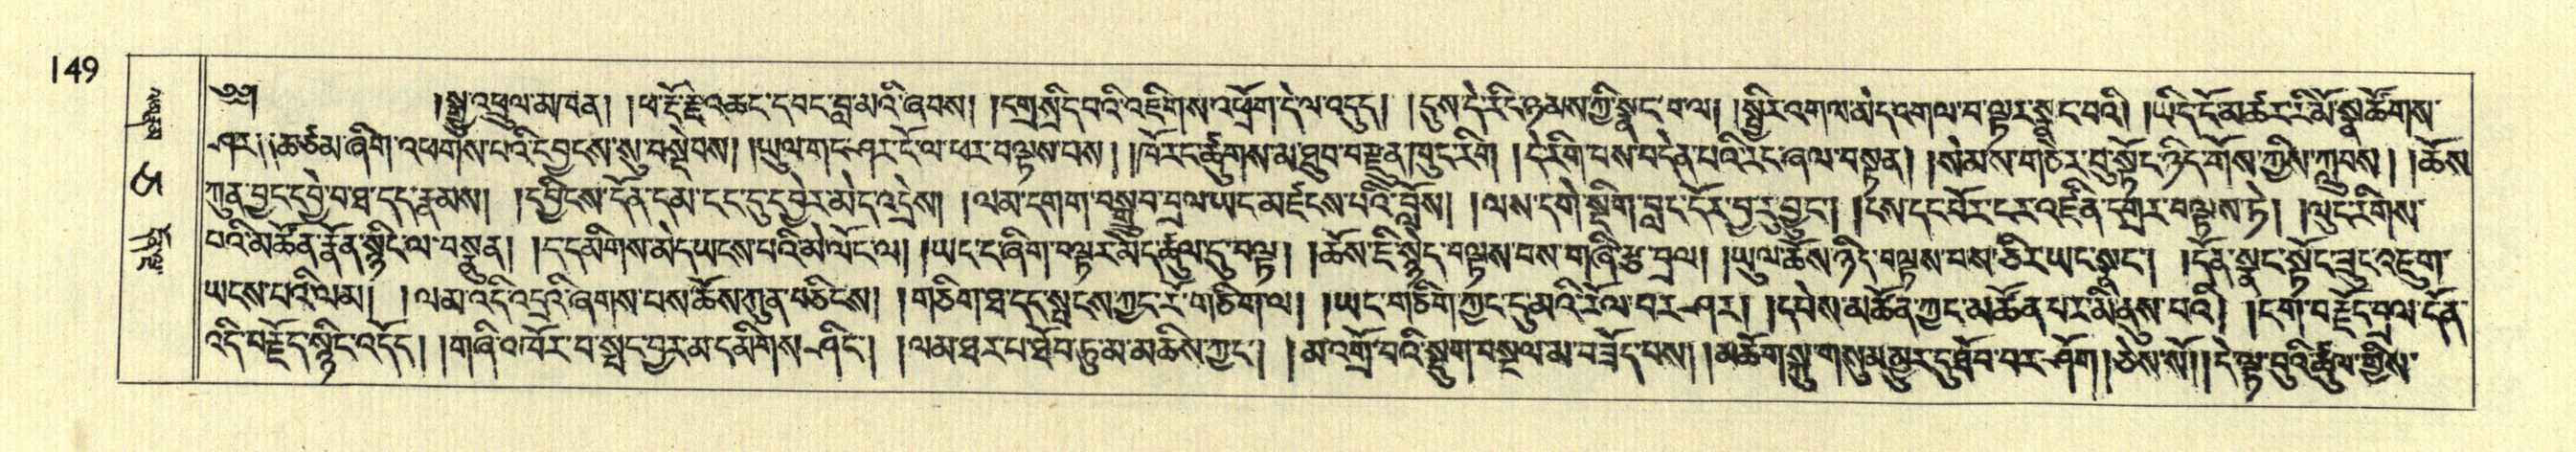༄༅། །སྒྱུ་འཕྲུལ་མཁན། །ཕ་རྡོ་རྗེ་འཆང་དབང་བླ་མའི་ཞབས། །དགྲ་སྲིད་བའི་འཇིགས་འཕྲོག་དེ་ལ་འདུད། །དུས་དེ་རིང་ཉམས་ཀྱི་སྣང་བ་ལ། །སྤྱིར་འགལ་མེད་འགལ་བ་ལྟར་སྣང་བའི། །ཡིད་ངོ་མཚར་རི་མོ་སྣ་ཚོགས་
ཤར༑ ༑ཆ་ཙམ་ཞིག་འཕགས་པའི་དབྱངས་སུ་བསྡེབས། །ཡུལ་གང་ཤར་དོ་ལ་ཕར་བལྟས་པས། །ཁོ་རང་ཚུགས་མ་ཐུབ་བརྫུན་ཁུང་རིག །དེ་རིག་པས་བདེན་པའི་རང་ཞལ་བསྟན། །སེམས་གཅེར་བུ་སྟོང་ཉིད་གོས་ཀྱིས་ཀླུབས། །ཆོས་
ཀུན་བྱང་དབྱེ་བ་ཐ་དད་རྣམས། །དབྱིངས་དོན་དམ་ངང་དུ་དབྱེར་མེད་འདྲེས། །ལམ་དགག་བསྒྲུབ་བྲལ་ཡང་མཛངས་པའི་བློས། །ལས་དགེ་སྡིག་བླང་དོར་བྱ་རུ་བྱུང་། །ངས་དང་པོར་ངར་འཛིན་དགྲར་བལྟས་ཏེ། །ལུང་རིགས་
པའི་མཚོན་རྣོན་སྙིང་ལ་བསྣུན། །ད་དམིགས་མེད་ཡངས་པའི་མེ་ལོང་ལ། །ཡང་ང་ཞིག་བལྟར་མེད་ཚུལ་དུ་བལྟ། །ཆོས་ཇི་སྙེད་བལྟས་བས་གཞི་རྩ་བྲལ། །ཡུལ་ཆོས་ཉིད་བལྟས་པས་ཅིར་ཡང་སྣང་། །དོན་སྣང་སྟོང་ཟུང་འཇུག་
ཡངས་པའི་ལམ། །ལམ་འདི་འདྲའི་ཞགས་པས་ཆོས་ཀུན་བཅིངས། །གཅིག་ཐ་དད་སྤངས་ཀྱང་རོ་གཅིག་ལ། །ཡང་གཅིག་ཀྱང་དུ་མའི་རོལ་བར་ཤར། །དཔེས་མཚོན་ཀྱང་མཚོན་པར་མི་ནུས་པའི། །ངག་བརྗོད་བྲལ་དོན་
འདི་བརྗོད་སྙིང་འདོད། །གཞི་འཁོར་བ་སྤང་བྱར་མ་དམིགས་ཤིང་། །ལམ་ཐར་པ་ཐོབ་ཏུ་མ་མཆིས་ཀྱང་། །མ་འགྲོ་བའི་སྡུག་བསྔལ་མ་བཟོད་པས། །མཆོག་སྐུ་གསུམ་མྱུར་དུ་ཐོབ་པར་ཤོག །ཅེས་སོ། །དེ་ལྟ་བུའི་ཚུལ་གྱིས་